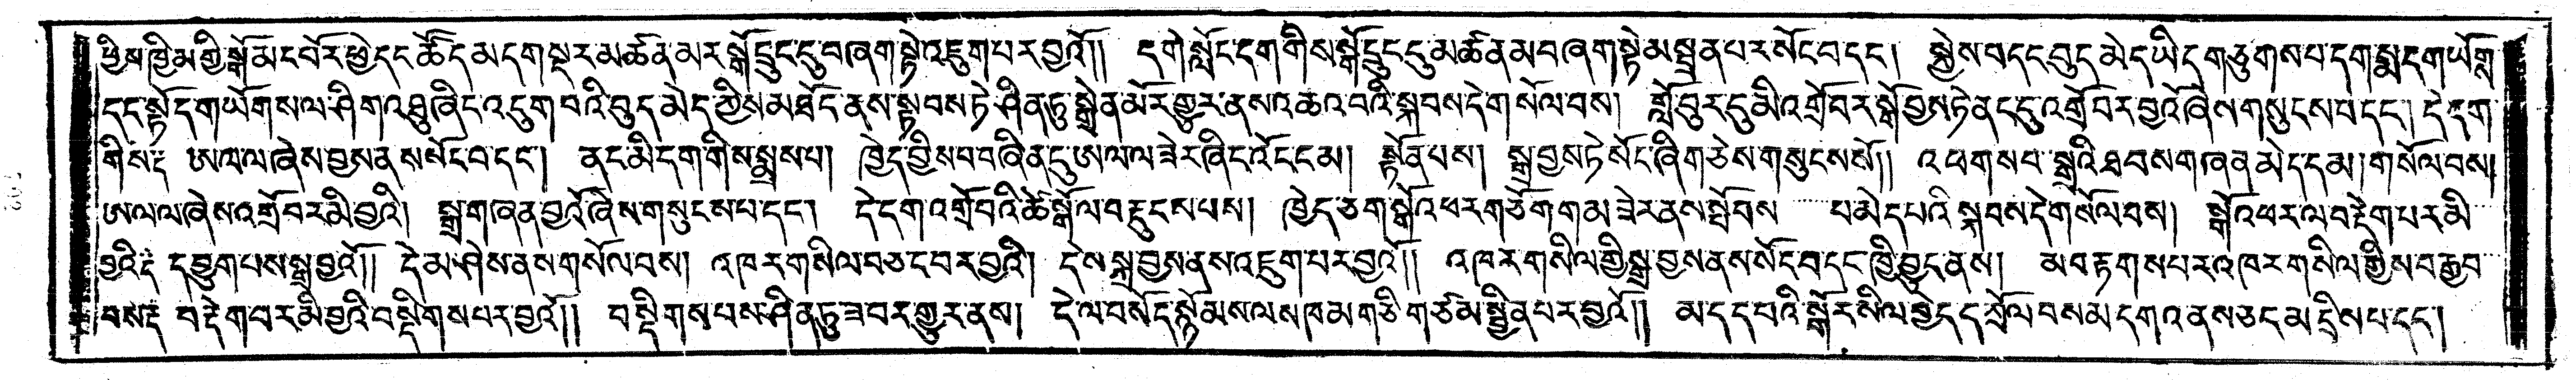ཕྱིས་ཁྱིམ་གྱི་སྒོ་མང་པོར་ཕྱེ་དང་ཚོད་མདག་སྡར་མཚན་མར་སྒོ་དྲུང་དུ་བཞག་སྟེ་འཇུག་པར་བྱའོ།། དགེ་སློང་དག་གིས་སྒོ་དྲུང་དུ་མཚན་མ་བཞག་སྟེ་མ་སྦྲན་པར་སོང་བ་དང་། སྐྱེས་བ་དང་བུད་མེད་ཡིད་གཅུགས་པ་དག་སྨད་གཡོགས་
དང་སྟོད་གཡོགས་ལ་ཤིག་འཐུ་ཞིང་འདུག་བའི་བུད་མེད་ཀྱིས་མཐོང་ནས་སྟབས་ཏེ་ཤིན་ཏུ་སྒྲེན་མོར་གྱུར་ནས་འཆའ་བའི་སྐབས་དེ་གསོལ་བས། གློ་བུར་དུ་མི་འགྲོ་བར་སྒོ་བྱས་ཏེ་ནང་དུ་འགྲོ་བར་བྱའོ་ཞེས་གསུངས་པ་དང་། དེ་དག་
གིས༑ ཨལ་ལ་ཞེས་བྱས་ནས་སོང་བ་དང་། ནང་མི་དག་གིས་སྨྲས་པ། ཁྱེད་བྱིས་པ་བཞིན་དུ་ཨ་ལ་ལ་ཟེར་ཞིང་འོང་ངམ། སྟོན་པས། སྒྲ་བྱས་ཏེ་སོང་ཞིག་ཅེས་གསུངས་སོ།། འཕགས་པ་སྒྲའི་ཐབས་གཞན་མེད་དམ། གསོལ་བས།
ཨ་ལ་ལ་ཞེས་འགྲོ་བར་མི་བྱའི། སྒྲ་གཞན་བྱའོ་ཞེས་གསུངས་པ་དང་། དེ་དག་འགྲོ་བའི་ཚེ་སྒོ་ལ་བརྡུངས་པས། ཁྱེད་ཅག་སྒོ་འཕར་གཅོག་གམ་ཟེར་ནས་སྤོབས་པ་མེད་པའི་སྐབས་དེ་གསོལ་བས། སྒོ་འཕར་ལ་བརྡེག་པར་མི་
བྱའི༑ དབྱུག་པས་སྒྲ་བྱའོ།། དེ་མ་ཤེས་ནས་གསོལ་བས། འཁར་གསིལ་བཅང་བར་བྱའི། དེས་སྐྲ་བྱས་ནས་འཇུག་པར་བྱའོ།། འཁར་གསིལ་གྱི་སྒྲ་བྱས་ནས་སོང་བ་དང་ཁྱི་བྱུང་ནས། མ་བརྟགས་པར་འཁར་གསིལ་གྱིས་བརྒྱབ་
བས་རྡ་བརྡེག་བར་མི་བྱའི་བསྡིགས་པར་བྱའོ།། བསྡིགས་པས་ཤིན་ཏུ་ཟ་བར་གྱུར་ནས། དེ་ལ་བསོད་སྙོམས་ལས་ཁམ་གཅིག་གཙམ་སྦྱིན་པར་བྱའོ།། མ་དད་པའི་སྒོར་སིལ་བྱེད་དཀྲོལ་བསམ་དགའ་ནས་ཅང་མ་དྲིས་པ་དང་།